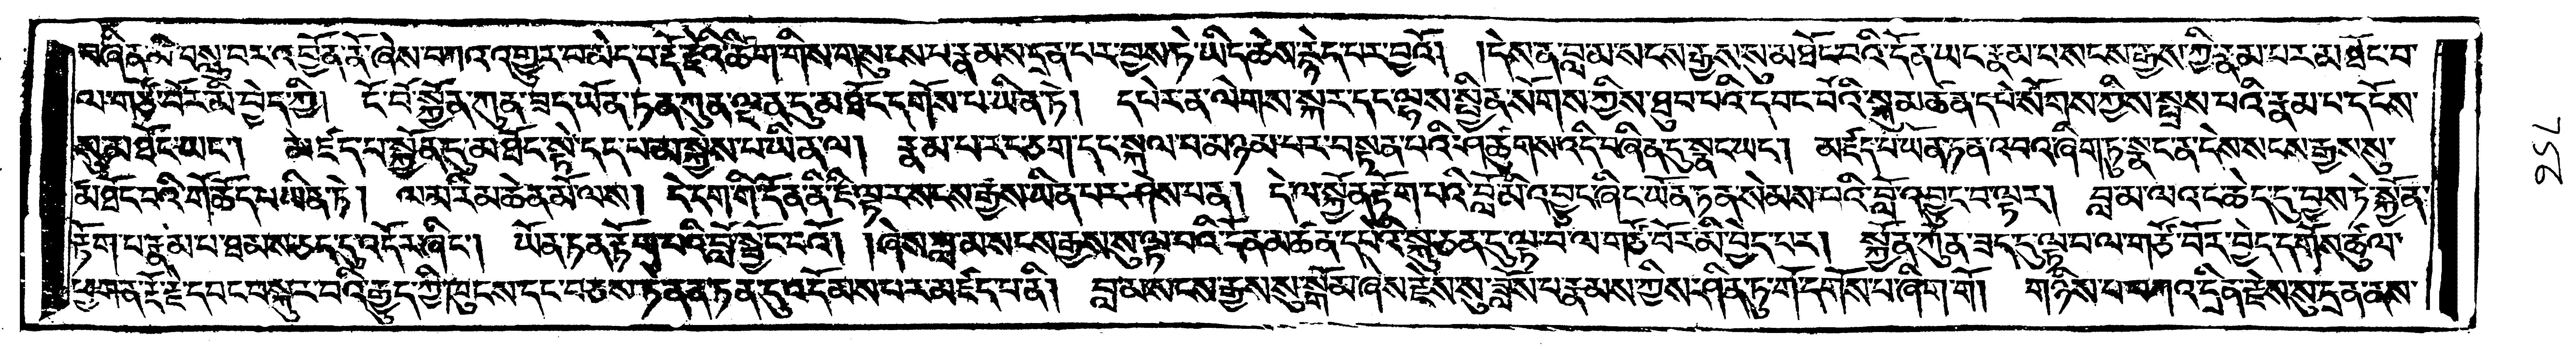བཞིན་མི་བསླུ་བར་འབྱོན་ནོ་ཞེས་བཀའ་འགྱུར་བ་མེད་པ་རྡོ་རྗེའི་ཚིག་གིས་གསུངས་པ་རྣམས་དྲན་པར་བྱས་ཏེ་ཡིད་ཆེས་རྙེད་པར་བྱའོ། །དེས་ན་བླ་མ་སངས་རྒྱས་སུ་མཐོང་བའི་དོན་ཡང་རྣམ་པ་སངས་རྒྱས་ཀྱི་རྣམ་པར་མཐོབ་བ་
ལ་གཙོ་བོར་མི་བྱེད་ཀྱི། ངོ་བོ་སྐྱོན་ཀུན་ཟང་ཡོན་ཏན་ཀུན་ལྡན་དུ་མཐོང་དགོས་པ་ཡིན་ཏེ། དཔེར་ན་ལེགས་སྐར་དང་ལྷས་སྦྱིན་སོགས་ཀྱིས་ཐུབ་པའི་དབང་པོའི་སྐུ་མཚན་དཔེ་སོགས་ཀྱིས་སྤྲས་པའི་རྣམ་པ་དངོས་
སུ་མཐོང་ཡང་། མཛད་པ་སྐྱོན་དུ་མཐོང་སྟེ་དད་པ་མ་སྐྱེས་པ་ཡིན་ལ། རྣམ་པ་རང་ཅག་དང་སྐལ་པ་མཉམ་པར་བསྟན་པའི་ཤ་ཚུགས་འདི་བཞིན་དུ་སྣང་ཡང་། མཛད་པ་ཡོན་ཏན་འབའ་ཞིག་ཏུ་སྣང་ན་ངེས་སངས་རྒྱས་སུ་
མཐོང་བའི་གོ་ཆོད་པ་ཡིན་ཏེ། ལམ་རིམ་ཆེན་མོ་ལས། དེ་དག་གི་དོན་ནི་ཇི་ལྟར་སངས་རྒྱས་ཡིན་པར་ཤེས་པ་ན། དེ་ལ་སྐྱོན་རྟོག་པའི་བློ་མི་འབྱུང་ཞིང་ཡོན་ཏན་སེམས་པའི་སྨ་འབྱུང་བ་ལྟར། བླ་མ་ལའང་ཆེད་དུ་བྱས་ཏེ་སྐྱོན་
རྟོག་པ་རྣམ་པ་ཐམས་ཅད་དུ་འདོར་ཞིང་། ཡོན་ཏན་རྟོག་པའི་བློ་སྦྱོང་བའོ། །ཞེས་བླ་མ་སངས་རྒྱས་སུ་ལྟ་བའི་དོན་མཚན་དཔེའི་སྐུ་ཅན་དུ་ལྟ་བ་ལ་གཙོ་བོར་མི་བྱེད་པར། སྐྱོན་ཀུན་ཟད་དུ་ལྟ་བ་ལ་གཙོ་བོར་བྱེད་དགོས་ཚུལ་
ཕྱག་ན་རྡོ་རྗེ་དབང་བསྐུར་བའི་རྒྱུད་ཀྱི་ཁུངས་དང་བཅས་ཏེ་ནན་ཏན་དུ་འདོམས་པར་མཛད་པ་ནི། བླ་མ་སངས་རྒྱས་སུ་སྒོམ་ཞེས་རྗེས་སུ་ཟློས་པ་རྣམས་ཀྱིས་ཤིན་ཏུ་གོ་དགོས་པ་ཞིག་གོ། གཉིས་པ་བཀའ་དྲིན་རྗེས་སུ་དྲན་ནས་